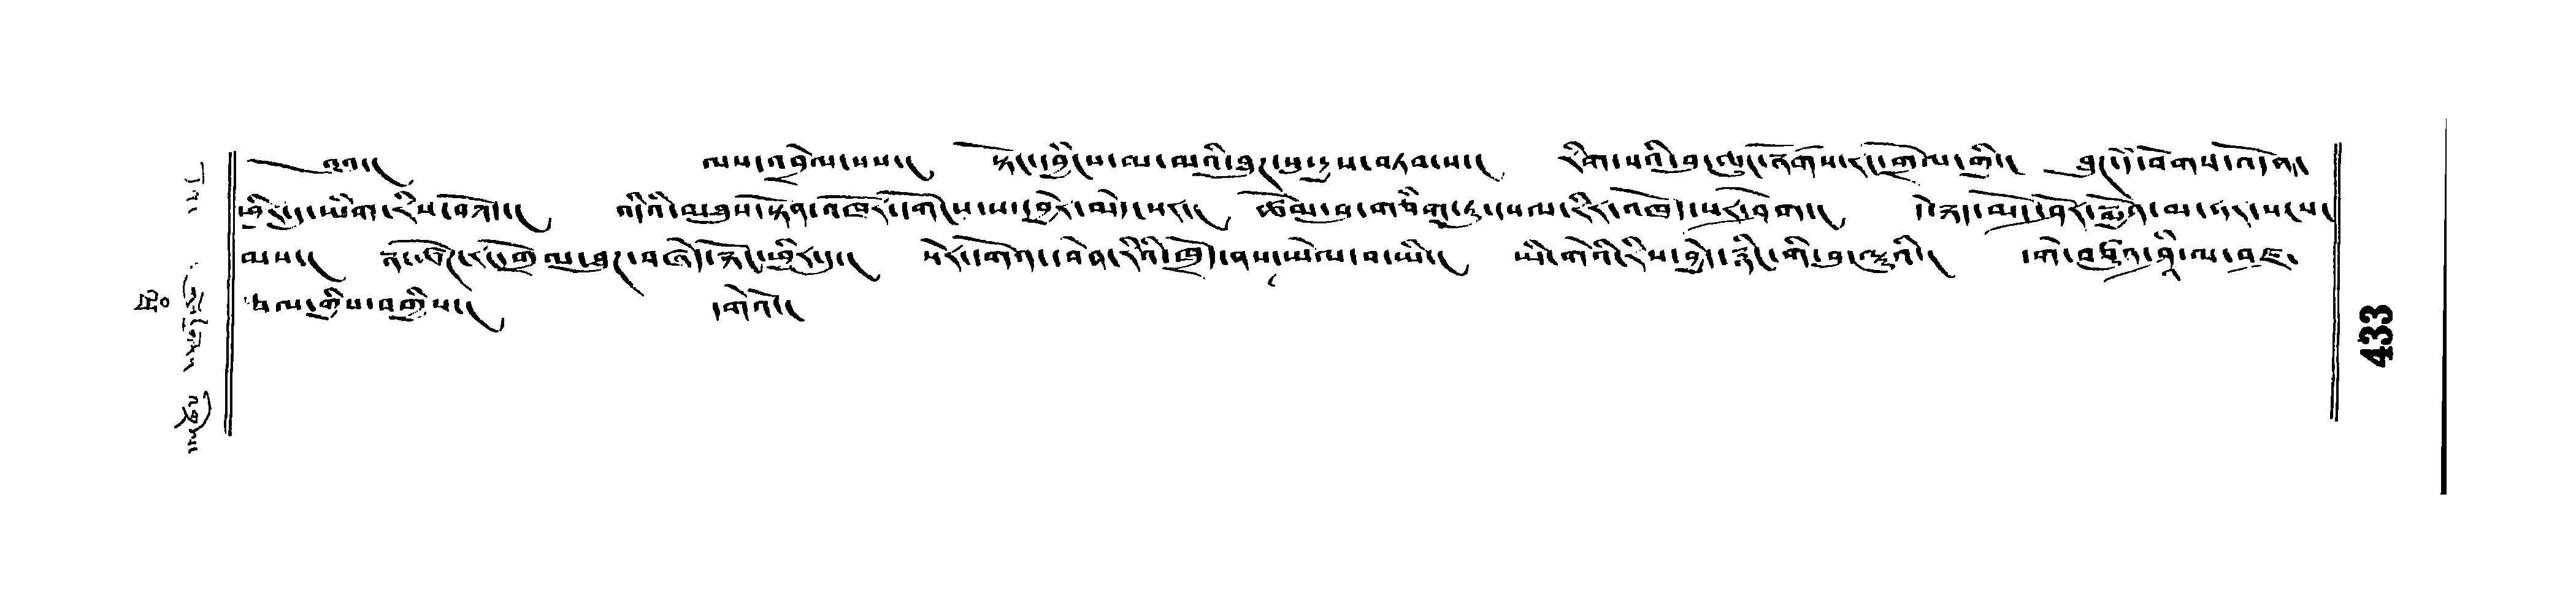ལས་འབྲེལ་པས། །སྟོང་དབྱིངས་མ་མའི་ཐུགས་སུ་རྒྱས་བཏབ་པ། །རིག་པའི་བུ་ཆུང་སྣ་ཙོགས་རང་གྲོལ་གྱི། །ཐུགས་དམ་བོགས་འདོན་
ཕྱིར་དུ་ཡིག་རིས་བཀོད། །འདིའི་མཐུས་སྟོན་འཁོར་དགོངས་པ་དབྱེར་མེད་པར། །ཚོམ་བུ་གཅིག་ཏུ་དཔལ་རིར་འཁོད་པར་ཤོག །དེ་སྐད་མདོ་ཤོར་སྨྱོན་མ་ཧར་སངས་
མས། །སྣ་ཚོགས་རང་གྲོལ་ཐུགས་བཞེད་སྐོང་ཕྱིར་དུ། །སེར་དགོན་དབེན་རིའི་ཁྲོད་ནས་སྤེལ་བ་ཡི། །ཡི་གེའི་རིས་བྱེད་སྙིང་གི་བུ་ལྟ་བུའི། །དགེ་བཙུན་ཤཱི་ལ་བཛྲ་
རྩལ་གྱིས་བགྱིས།། དགེའོ།།